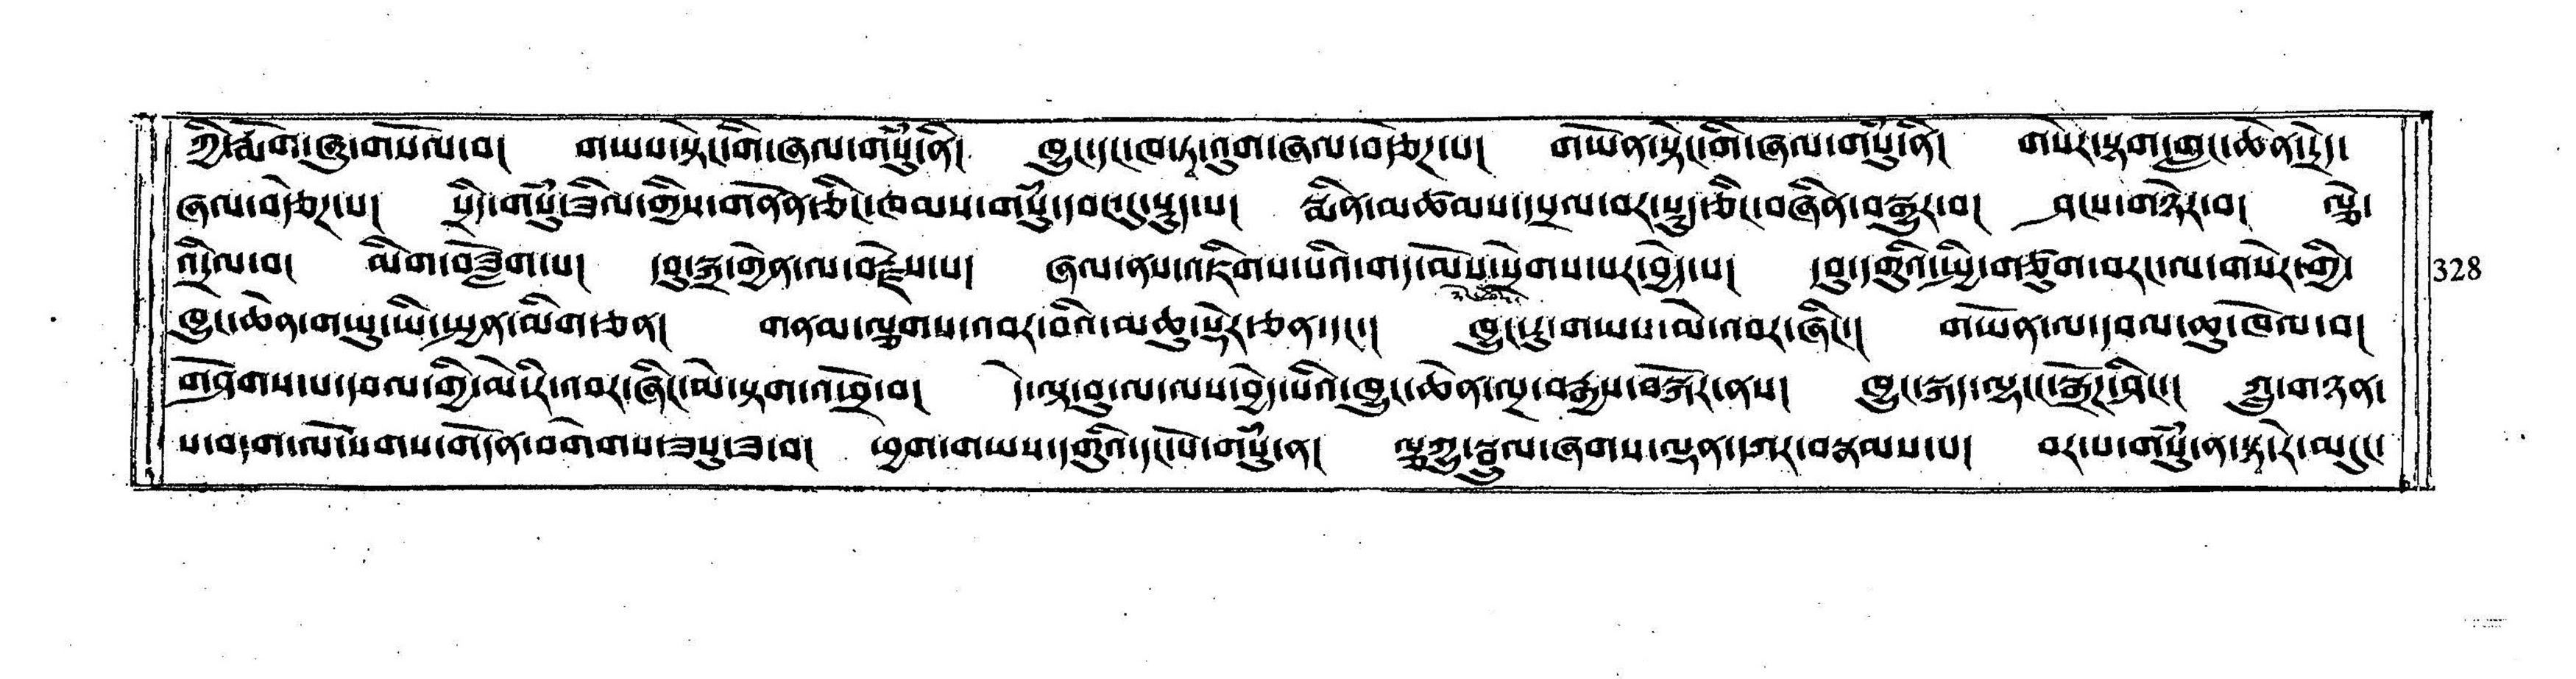ཀྱི་རྨོག་ཞུ་གསོལ་བ། གཡས་སྟེང་གི་ཞལ་གསུམ་ནི། ཁྱུང་དང་ཁ་ཏྭ་འུག་ཞལ་བརྩེགས་པ། གཡོན་སྟེང་གི་ཞལ་གསུམ་ནི། གསེར་སྟག་གླང་ཆེན་དྲེད་
ཞལ་བརྩེགས་པ། སྲིད་གསུམ་ཟིལ་གྱིས་གནོན་ཅིང་ཁམས་གསུམ་དབང་དུ་སྡུད་པ། སྨིན་མཚམས་དཔྲལ་བར་སྡུད་ཅིང་བཞིན་བསྒྱུར་བ། ཤངས་གཉེར་བ། ལྕེ་
འདྲིལ་བ། མིག་བཟློག་པ། དབུ་སྐྲ་གྱེན་ལ་བརྫེས་པ། ཞལ་ནས་འཇིགས་པའི་གད་མོས་སྟོང་ཁམས་སྲེགས་པར་བྱེད་པ། དབུ་དགུའི་སྤྱི་གཙུག་བར་སྣང་ལ་གསེར་གྱི་
ཁྱུང་ཆེན་གཡུ་ཡི་སྤྱན་མིག་ཅན། གནམ་ལྕགས་འབར་བའི་མཆུ་སྡེར་ཅན་དང་། ཁྱུང་རུ་གཡས་མེ་འབར་ཞིང་། གཡོན་ལ་དབལ་ཆུ་ཁོལ་བ། 
གཤོགས་པ་དབལ་གྱི་མེ་རི་འབར་ཞིང་མེ་སྟག་འཕྲོ་བ། དེ་ལྟ་བུ་ལ་ལས་བྱེད་པའི་ཁྱུང་ཆེན་ལྔ་བརྒྱས་བསྐོར་ནས། ཁྱུང་སྐད་ལྷང་ལྷང་སྒྲོགས་ཤིང་། ཀླུ་གཉན་
ས་བདག་ལ་སོགས་གདོན་བགེགས་ཟས་སུ་ཟ་བ། ཕྱག་གཡས་དགུའི་དང་པོ་གསུམ་ན། ལྕག་ཀྱུ་སྦྲུལ་ཞགས་ལྡན་དཀར་བསྣམས་པ། བར་པ་གསུམ་ན་སྟྭ་རེ་མདུང་